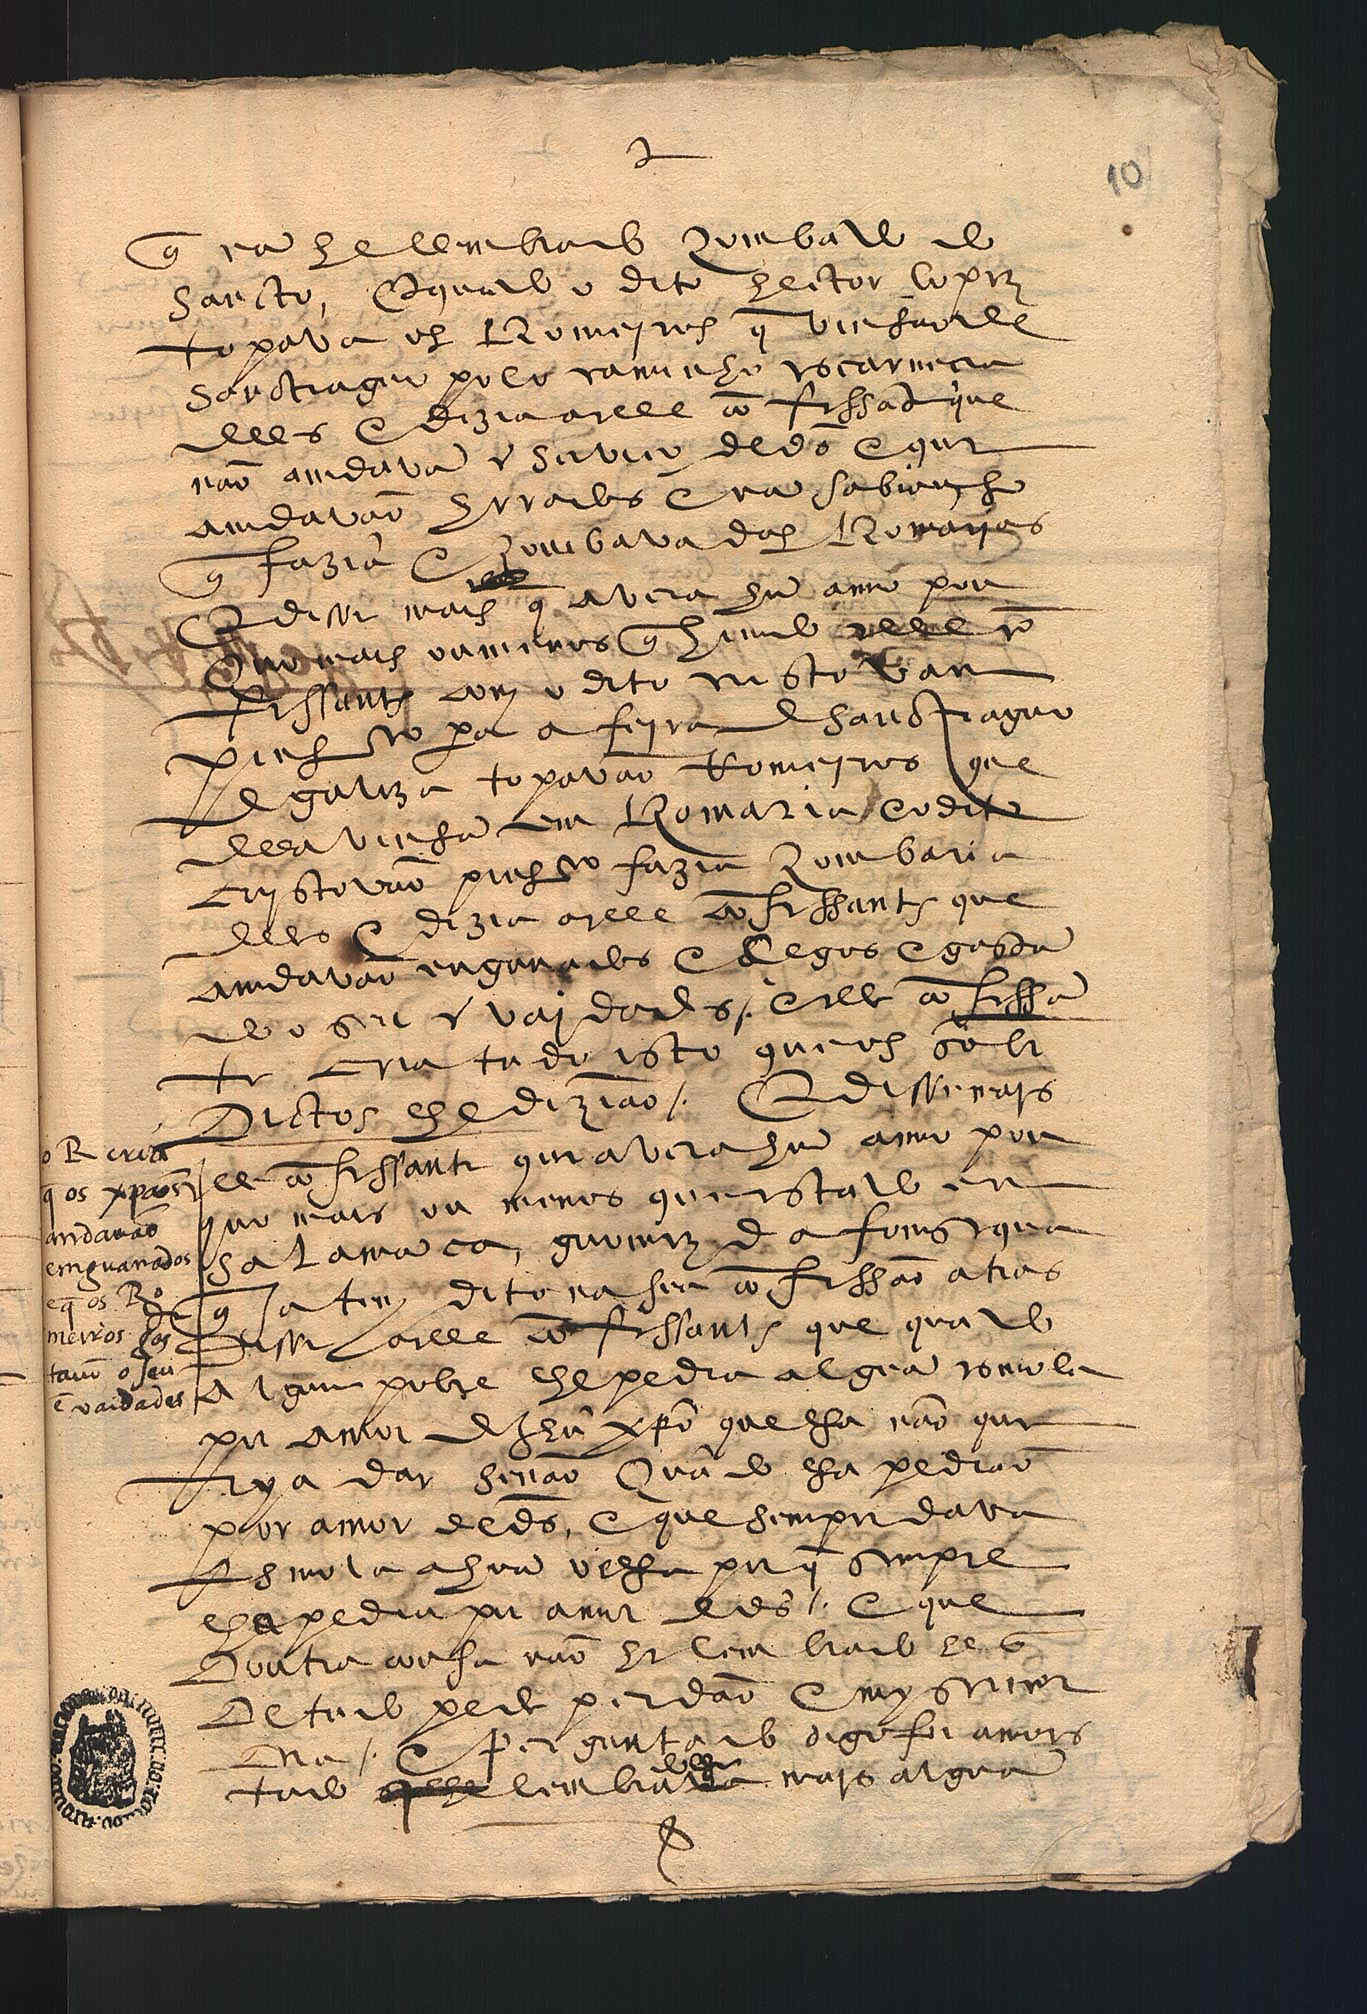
q̄ nā he lembrado zombādo do
Sancto, E quādo o dito hector lopez
topava os Romejros q̄ vinhaõo de
Sanctiaguo pelo caminho escarneçia
delles e dizia a elle cōfessante que
não amdavā ē serviço de ds̄ e que
amdavaõ hrrados e nā sabiam ho
q̄ faziā e zombava das Romarjas
E disse mais q̄ avera hū anno pou
Quo mais ou menos q̄ himdo elle cō
fessantꝭ com o dito cristovan
pinhro ꝑa a fejra de Sanctiaguo
d galiza topavão Romejros que
della vinhā em Romaria e o dito
crystovão pinhro fazia zombaria
delles e dizia a elle cōfessantꝭ que
amdavão enganados e Cegos e gastā
do o seu ē vajdades /. e elle c̄ofessā
te cria tudo isto que os s̄obr
Dictos lhe dizião /. E disse majs
elle cōfessante que avera hū anno pou
quo mais ou menos que estādo en
SaLamāca, guomez da fomsequa
q̄ Ja tem dito na sua c̄ofissão atras
Disse a elle cōfessantꝭ que quādo
algum pobre lhe pedia alguā esmola
por amor de Jhū xpō que lha não que
rya dar senão Quādo lha pediaõ
por amor de d̄s, e que semper dava
esmola a huā velha porq̄ sempre
lha pediu por amor de ds̄ /. e que
Doutra cousa naõ he lembrado he q̄
De tudo pede perdão e mysericor
Dia /. e perguntado digo foi amoes
tado selhe lembradolhe majs alguā
